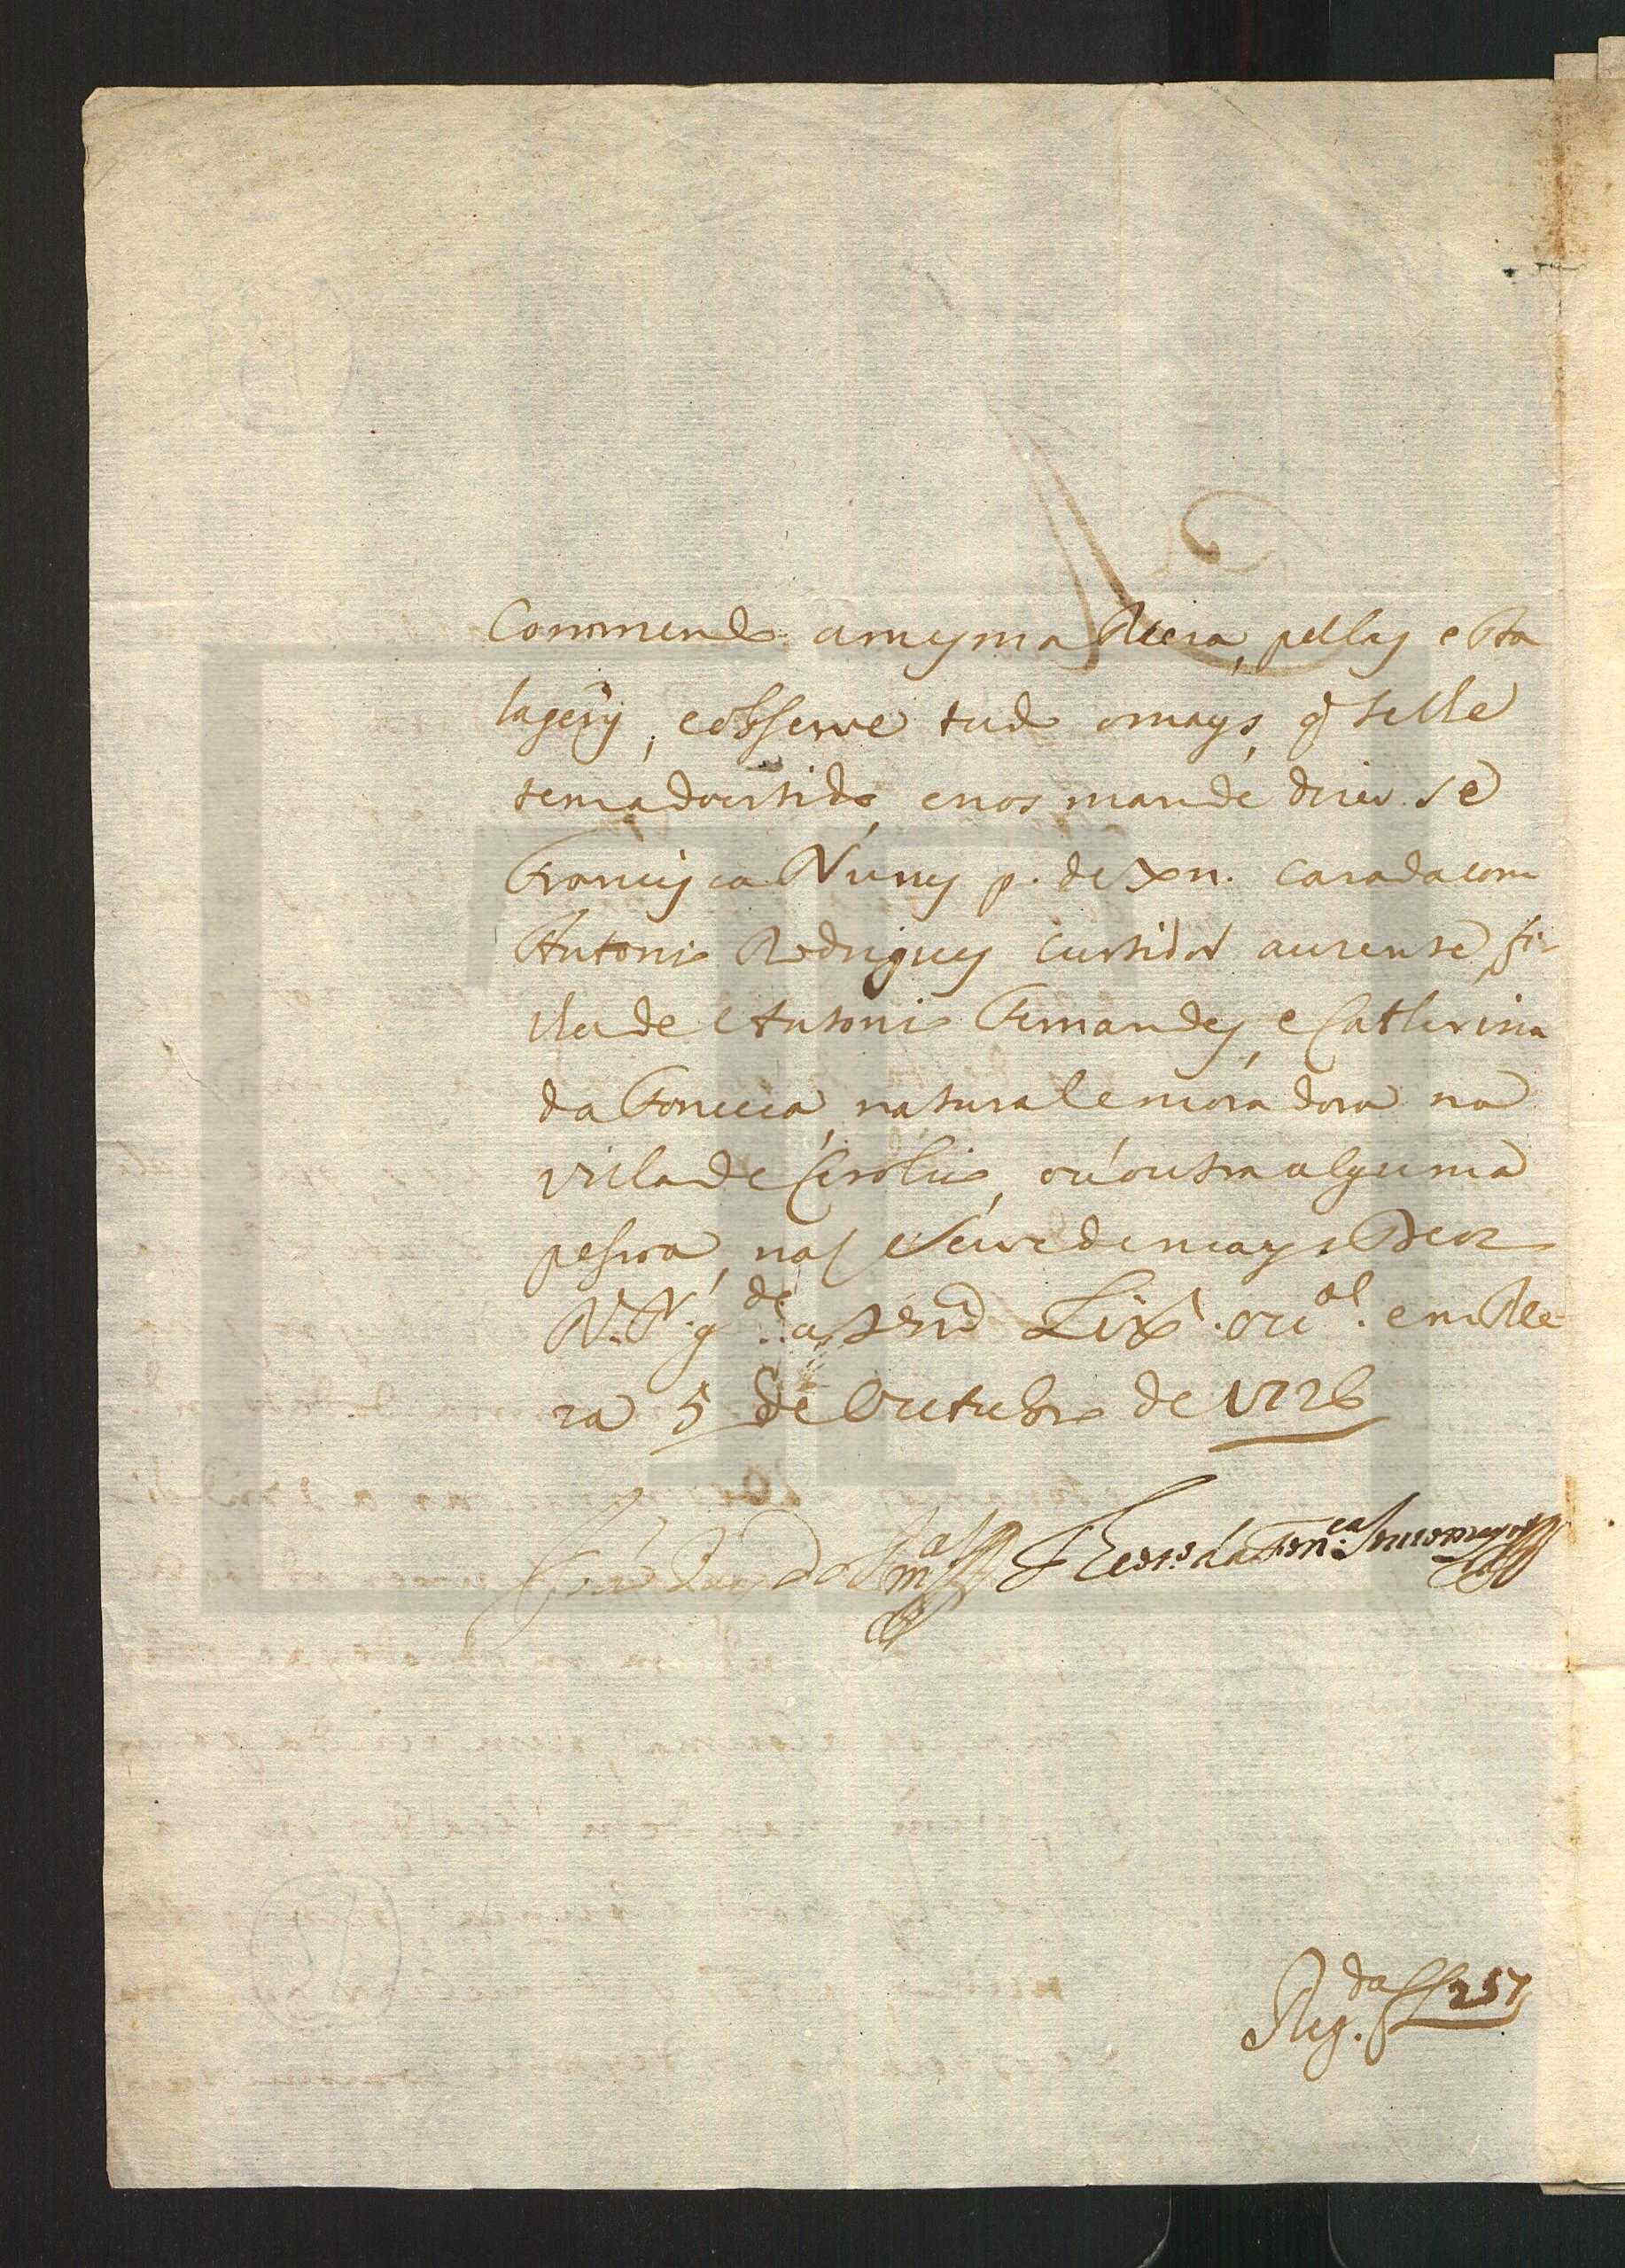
commendo a mesma Meza, pellas esta
lagen̄s, e observe tudo o mays, q̄ se lhe
tem advertido, e nos mande dizer se
Francisca Nunes p. de x n. cazada com
Antonio Rodrigues curtidor auzente, fi
lha de Antonio Fernandes, e Catherina
da Fonceca, natural e moradora na
villa de Cerolico, ou outra alguma
pessoa naꝭ serve de mais Deoz
N. Sr. g.de a V m.ce Lix.a occ.al em Me
za 5 de Outubro de 1726
Joaõ Pais do Am.al Theot.o da Fon.ca Soutomayor
Reg.da fL 257
